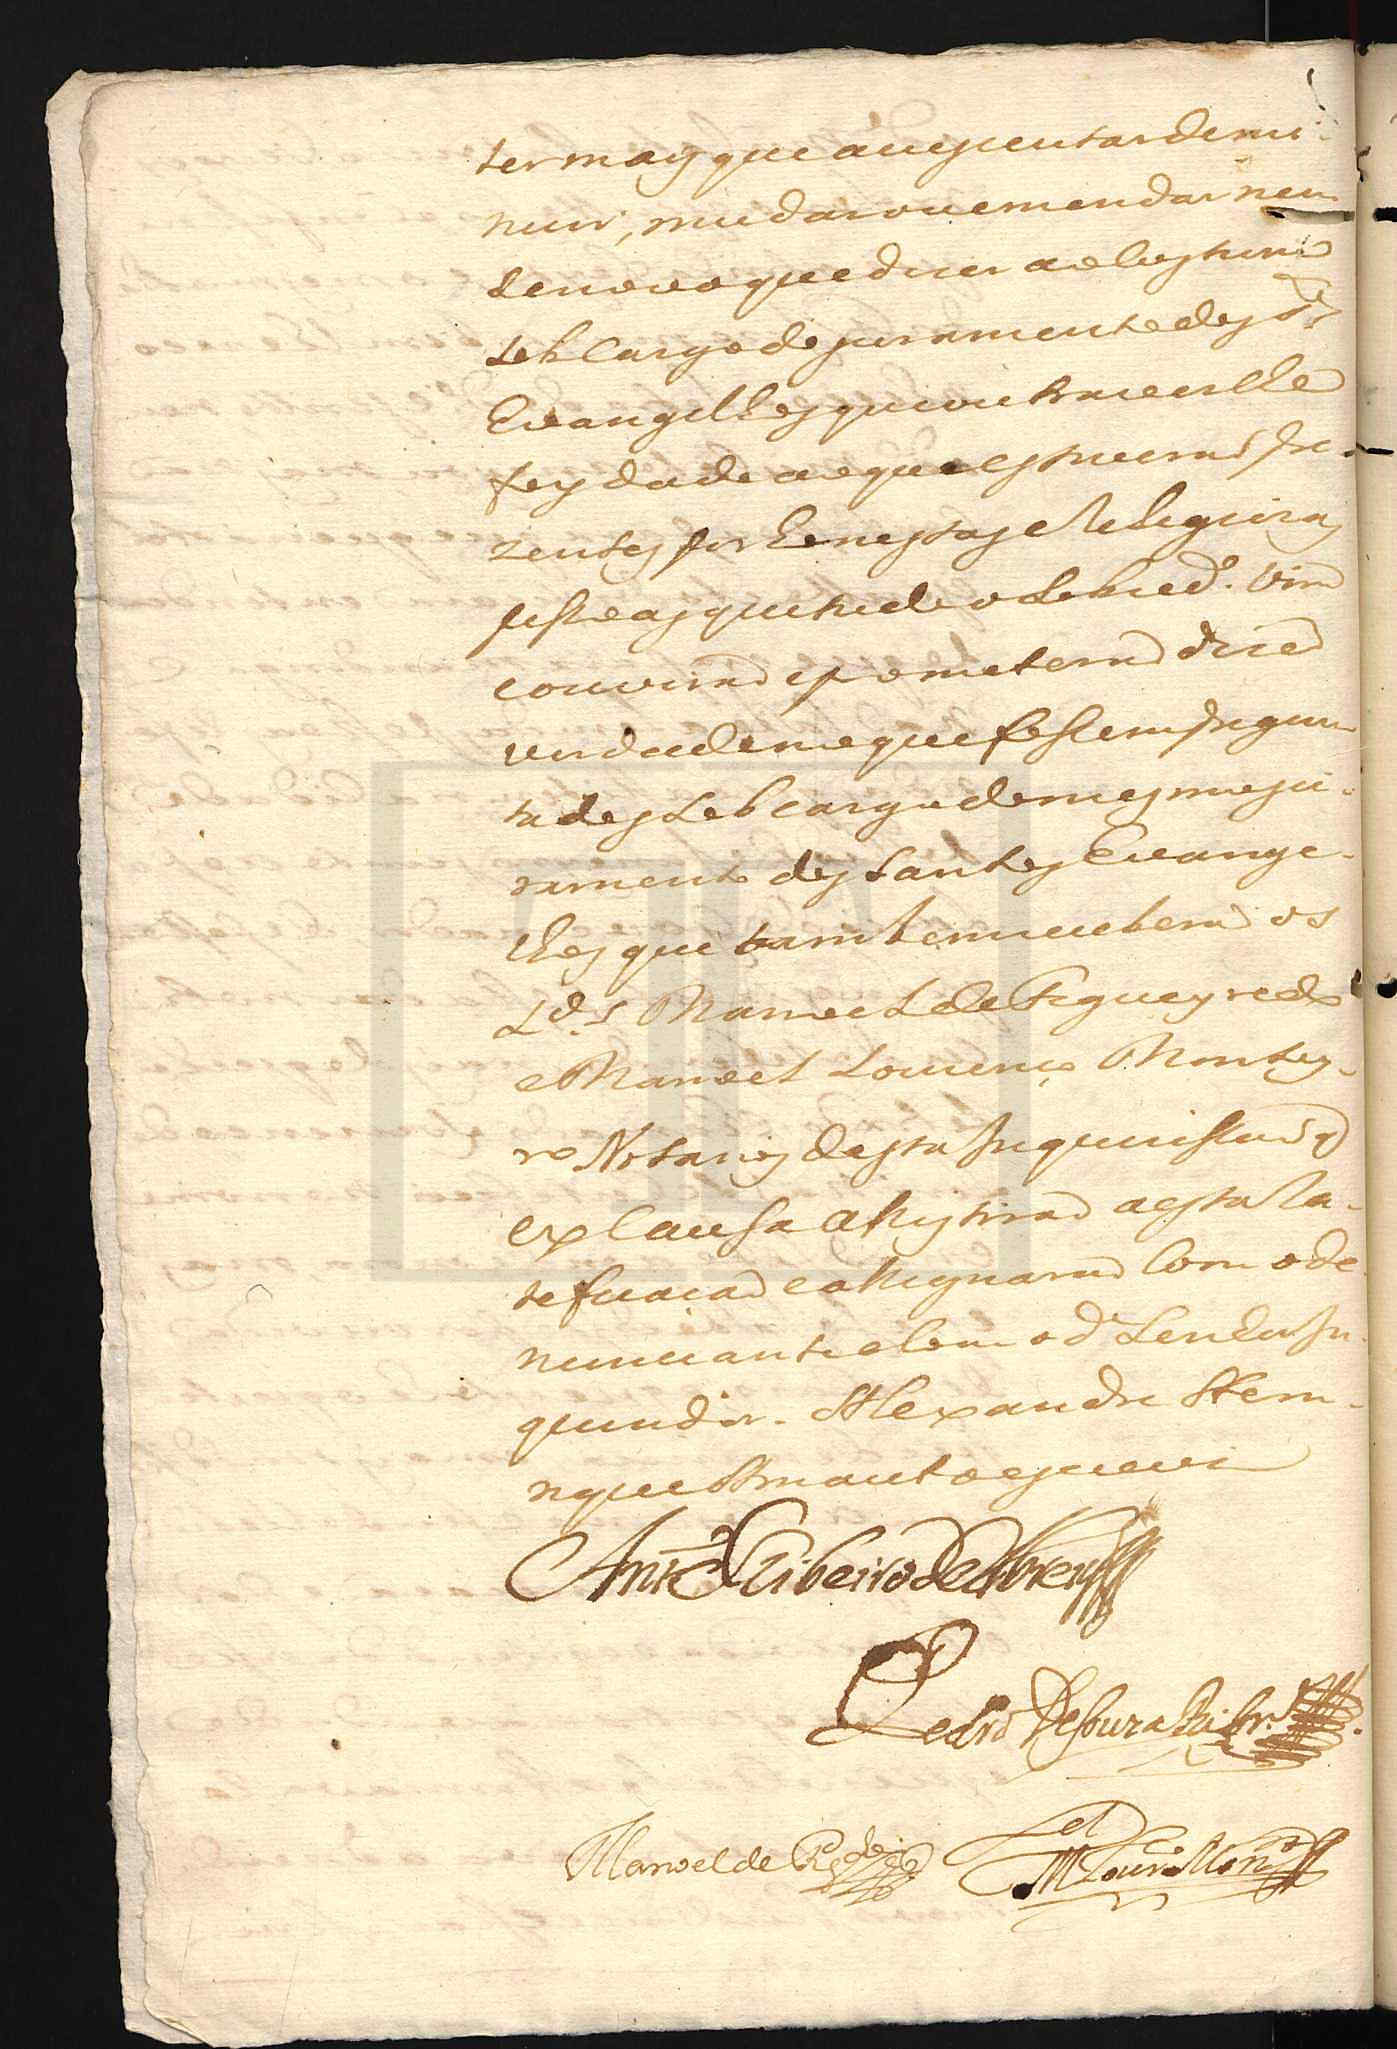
ter mais que acrescentar demi
nuir; mudar ou emendar nem
de novo que dizer ao custum
sob cargo do juramento dos s.tos
Evangelhos que outra vez lhe
foy dado ao que estiueraõ pre
zentes por honestas e Religiozas
pessoas que tudo o sobred.o viraõ
e ouviraõ e pometeraõ dizer
verdade no que fossem pregun
tados sob cargo do mesmo ju
ramento dos santos Evange
lhos que tambem receberaõ os
L.os Manoel de Figueyredo
e Manoel Lourenço Montey
ro Notarios desta Inquizissaõ q̄
ex Causa assistiraõ a esta Ra
teficaçaõ e assignaraõ com o de
nunciante e com o do Senhor Jn
quizidor. Alexandre Hem
rique Arnaut o escrevi
Anto Ribeiro de Abreu
Pedro De souza Ribr.o
Manoel de Figdo
Mel Lourço Montro
